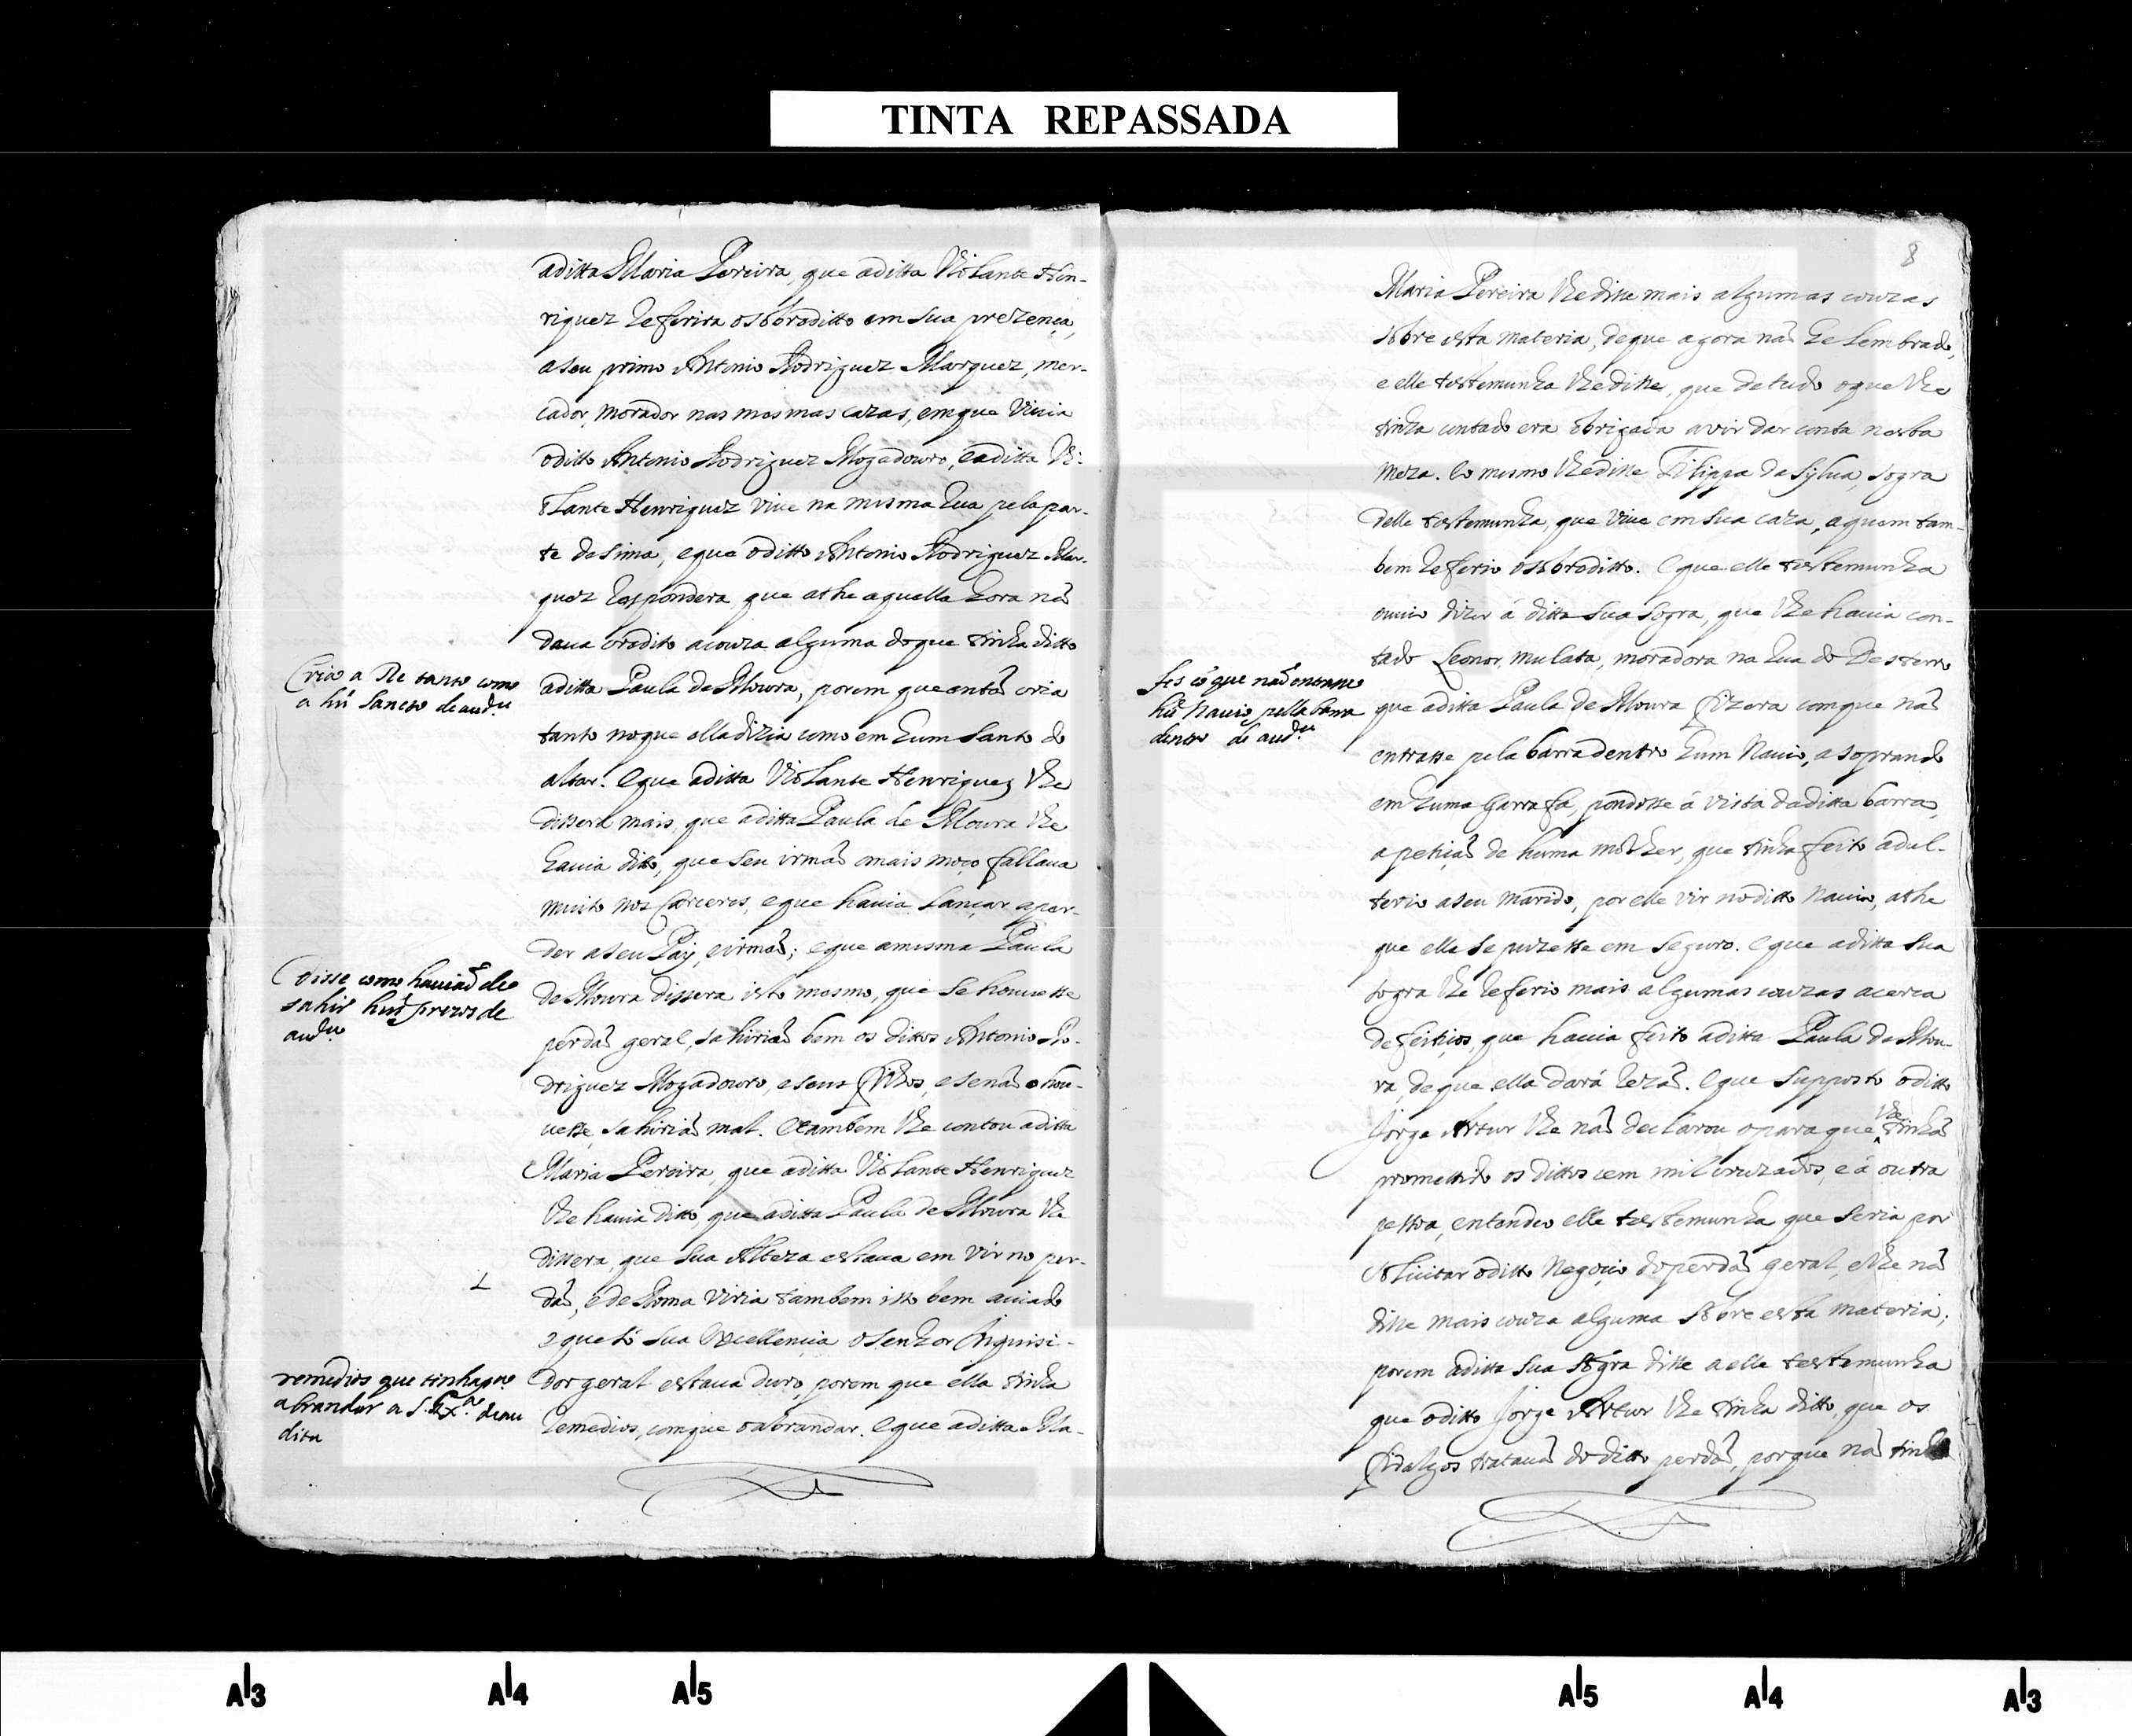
Cria a Re tanto como
a ditta Paula de Moura, porem que entaõ cria
a hū Sancto de aud.u
tanto no que ella dizia como em hum Santo do
altar. E que a ditta Violante Henriques lhe
dissera mais que a ditta Paula de Moura lhe
hauia ditto, que seu irmaõ o mais moço fallaua
muito nos Carceres, e que hauia lançar a per
der a seu Pay, e irmaõ; e que a mesma Paula
disse como hauiaõ de
de Moura dissera isto mesmo, que se houuesse
sahir hus̄ prezos de
aud.u
perdaõ geral sahiriaõ bem os dittos Antonio Ro
driguez Mogadouro, e seus filhos, e senão o hou
uesse sahiriaõ mal. e tambem lhe contou a ditta
Maria Pereira que a ditta Violante Henriquez
lhe hauia ditto que a ditta Paula de Moura lhe
dissera que sua Alteza estaua em vir no per
daõ, e de Roma viria tambem isto bem auiado
e que só Sua Excellencia o senhor Inquisi
remedios que tinha pr.o
dor geral estaua duro, porem que ella tinha
abrandar a S. Ex.a de au
Remedios, com que o abrandar. e que a ditta Ma
ditu
a ditta Maria Pereira, que a ditta Violante Hen
Maria Pereira lhe disse mais algumas couzas
riquez Referira o sobreditto em sua prezença,
sobre esta materia, de que agora naõ he lembrado
a seu primo Antonio Rodriguez Marquez, mer
e elle testemunha lhe disse, que de tudo o que lhe
cador morador nas mesmas cazas, em que viuia
tinha contado era obrigada a vir dar conta nesta
o ditto Antonio Rodriguez Mogadouro, e a ditta Vi
meza. e o mesmo lhe disse Filippa da Sylua, sogra
olante Henriquez viue na mesma Rua pela par
delle testemunha, que viue em sua caza, a quem tam
te de sima, e que o ditto Antonio Rodriguez Mar
bem Referio o sobreditto. E que elle testemunha
quez Respondera que athe aquella hora naõ
ouuio dizer á ditta sua sogra, que lhe hauia con
daua credito a couza alguma do que tinha ditto
tado Leonor, mulata, moradora na Rua do Desterro
fes cō que naõ entrasse
hū nauio pella barra
que a ditta Paula de Moura fizera com que naõ
dentro de aud.u
entrasse pela barra dentro hum Nauio, e soprando
em huma garrafa, pondosse á vista da ditta barra,
a petiçaõ de huma molher, que tinha feito adul
terio a seu marido, por elle vir no ditto nauio, athe
que elle se puzesse em seguro. E que a ditta sua
sogra he Referio mais algumas couzas acerca
de feitiços que hauia feito a ditta Paula de Mou
ra, de que ella dará Rezaõ. e que supposto o ditto
lhe
Jorge Artur lhe naõ declarou o para que tinha
promettido os dittos sem mil cruzados, e á outra
pessoa, entendeo elle testemunha que seria por
solicitar o ditto negocio do perdaõ geral, e lhe naõ
disse mais couza alguma sobre esta materia,
porem a ditta sua sogra disse a elle testemunha
que o ditto Jorge Artur lhe tinha ditto que os
fidalgos tratauaõ do ditto perdaõ, porque naõ tinha
